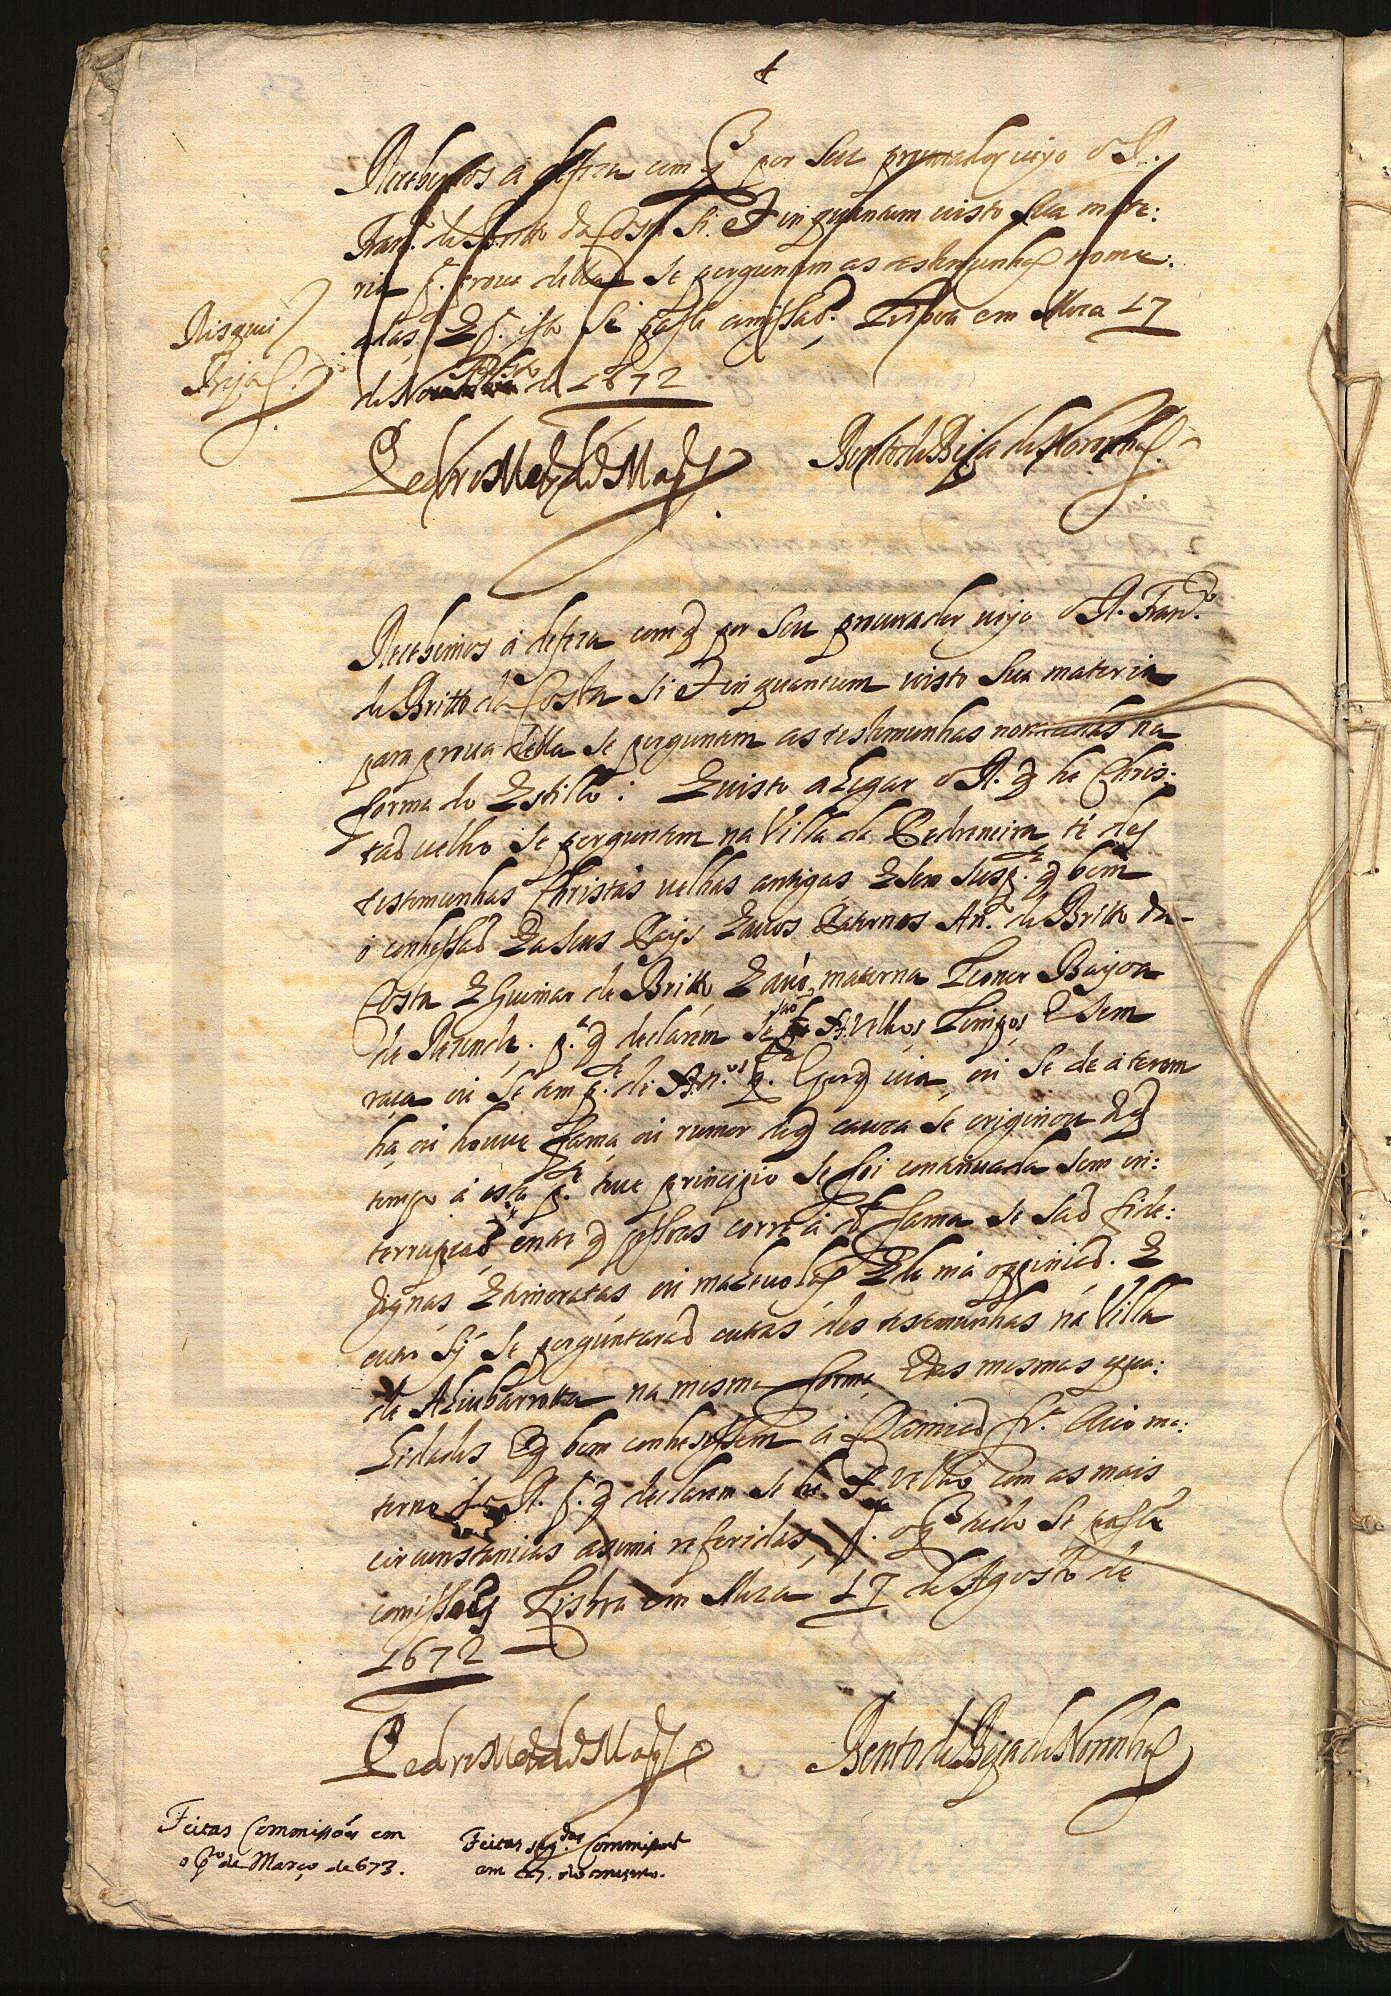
Recebemos a defeza com q̄ por seu procurador ueyo o R.
Fran.co de Britto da Costa si et in quantum uisto sua mate
ria p.a proua della se perguntam as testemunhas nome
adas, E p.a isso se passe comissaõ; Lisboa em Meza 17
de Agosto de 1672
Risquei
Beja
Pedro Mexa de Mages
Bento de Beja de Noronha
Recebemos a defeza com q̄ por seu procurador ueyo o R. Fran.co
de Britto da Costa si et in quantum uisto sua materia
para proua della se perguntem as testemunhas nomeadas na
forma do Estillo: E uisto alegar o R. q̄ he Chris
taõ uelho se perguntem na Villa de Pedreneira té des
testemunhas Christãs uelhas antigas, E sem susp.ta q̄ bem
o conhessaõ E a seus Pays E auos Paternos An.to de Britto da
Costa E Guimar de Britto, E auó materna Leonor Bayoa
de Rezende; p.a q̄ declarem se saõ _ xx. velhos, limpos, E sem
raça ou se tem p.te de xx. n.os q.ta E por q̄ uia, ou se de a terem
ha, ou houue fama, ou rumor de q̄ cauza se originou de q̄
tempo a esta p.te teue principio se foi continuada sem in
terrupçaõ, entre q̄ pessoas corre a d̄a fama se saõ fide
dignas, E timoratas ou maleuolas E de ma opiniaõ. E
outrosy se perguntaraõ outras des testemunhas na Villa
de Aliubarrotta na mesma forma, E das mesmas qua
Lidades E q̄ bem conhesessem a Damião fr.a Auo ma
terno do R. p.a q̄ declarem se he x velho com as mais
circunstancias asima referidas, q̄. o q̄ tudo se passē
comissoẽs Lisboa em Meza 17 de Agosto de
1672
Pedro Mexa de Mages
Bento de Beja de Noronha
Feitas Commissoẽs em
o pro de Março de 673.
Feitas seg.das Commissoẽs
em 27 do mesmo.
